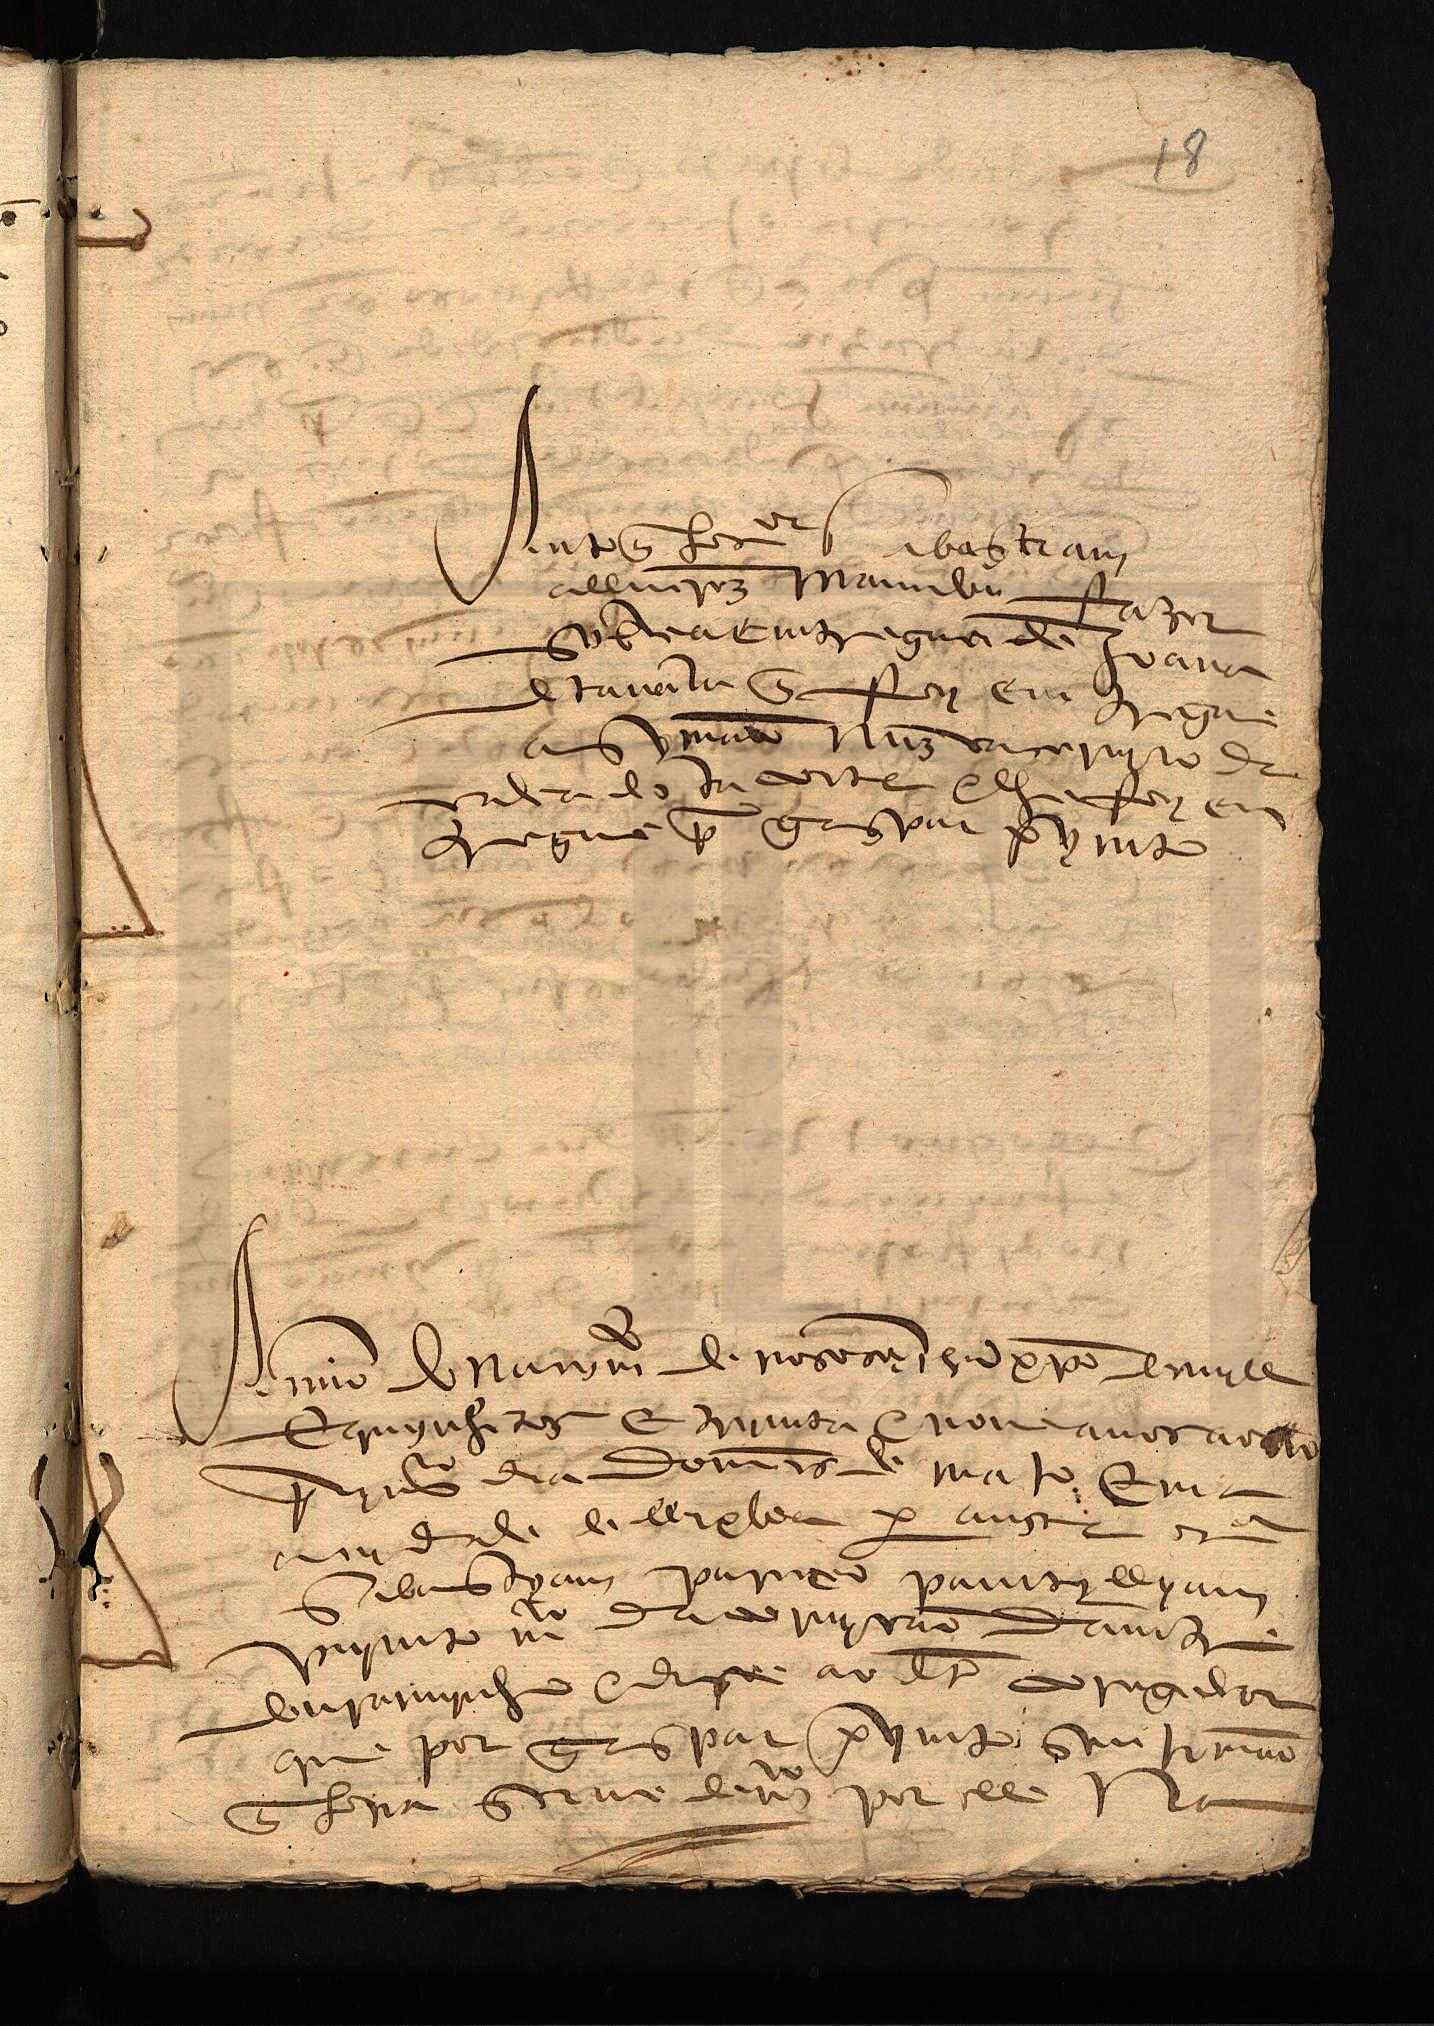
Auto q̄ ho sor sabastiam
alluerez mamdou fazer
sobre a emtregua de Joana
de tauora q̄ foy emtregue
a symão Nūz cacereyro da
cadea desta corte e lhe foy en
tregue p̄o gaspar pymto
Anno do nacymto de noso s̄or ihū xp̄o de myll
E quynhētos E trymta e noue anos ao ao
p̄ymro dia do mes de maJo Em a
a cydade de llixboa ꝑamte o sor
Sabastyam pareceo pamtyllyam
pymto mro da coreyção damtre
douramynho e dise ao dt̄o coregedor
que por gaspar pymto seu Jrmão
q̄ hora serue de mro por elle Na
